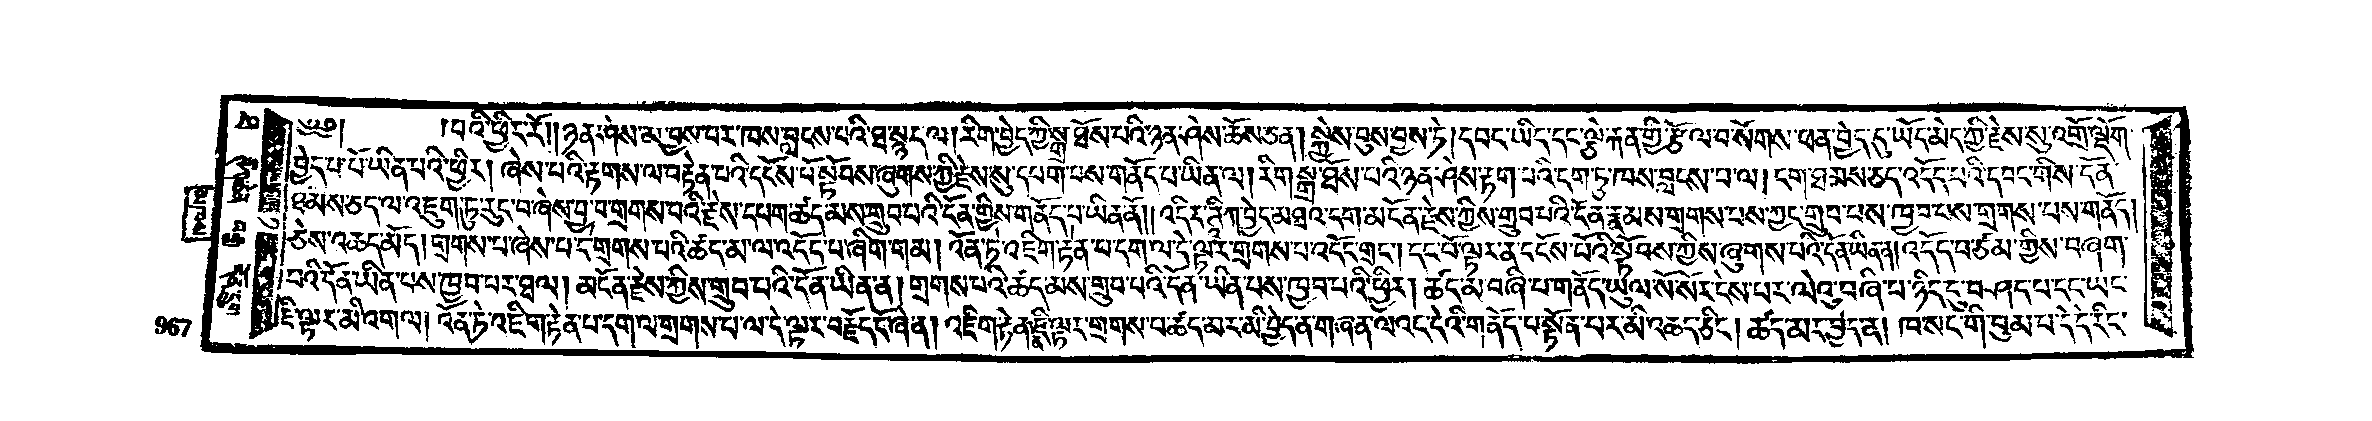༄༅། །པའི་ཕྱིར་རོ། །ཉན་ཤེས་མ་བྱས་པར་ཁས་བླངས་པའི་ཐ་སྙད་ལ། རིག་བྱེད་ཀྱི་སྒྲ་ཐོས་པའི་ཉན་ཤེས་ཆོས་ཅན། སྐྱེས་བུས་བྱས་ཏེ། དབང་ཡིད་དང་ལྕེ་རྐན་གྱི་རྩོལ་བ་སོགས་ཕན་བྱེད་དུ་ཡོད་མེད་ཀྱི་རྗེས་སུ་འགྲོ་ལྡོག་
བྱེད་པ་པོ་ཡིན་པའི་ཕྱིར། ཞེས་པའི་རྟགས་ལ་བརྟེན་པའི་དངོས་པོ་སྟོབས་ཞུགས་ཀྱི་རྗེས་སུ་དཔག་པས་གནོད་པ་ཡིན་ལ། རིག་སྒྲ་ཐོས་པའི་ཉན་ཤེས་རྟག་པའི་ངག་ཏུ་ཁས་བླངས་པ་ལ། ངག་ཐམས་ཅད་འདོད་པའི་དབང་གིས་དོན་
ཐམས་ཅད་ལ་འཇུག་ཏུ་རུང་བ་ཞེས་བྱ་བ་གྲགས་པའི་རྗེས་དཔག་ཚད་མས་གྲུབ་པའི་དོན་གྱིས་གནོད་པ་ཡིན་ནོ། །འདིར་ཊཱིཀ་བྱེད་མཐའ་དག་མངོན་རྗེས་ཀྱིས་གྲུབ་པའི་དོན་རྣམས་གྲགས་པས་ཀྱང་གྲུབ་པས་ཁྱབ་པས་གྲགས་པས་གནོད།
ཅེས་འཆད་མོད། གྲགས་པ་ཞེས་པ་དེ་གྲགས་པའི་ཚད་མ་ལ་འདོད་པ་ཞིག་གམ། འོན་ཏེ་འཇིག་རྟེན་པ་དག་ལ་དེ་ལྟར་གྲགས་པ་འདོད་གྲང་། དང་པོ་ལྟར་ན་དངོས་པོའི་སྟོབས་ཀྱིས་ཞུགས་པའི་དོན་ཡིན་ན། འདོད་པ་ཙམ་གྱིས་བཞག་
པའི་དོན་ཡིན་པས་ཁྱབ་པར་ཐལ། མངོན་རྗེས་ཀྱིས་གྲུབ་པའི་དོན་ཡིན་ན། གྲགས་པའི་ཚད་མས་གྲུབ་པའི་དོན་ཡིན་པས་ཁྱབ་པའི་ཕྱིར། ཚད་མ་བཞི་པ་གནོད་ཡུལ་སོ་སོར་ངེས་པར་ལེའུ་བཞི་པ་ཉིད་དུ་བཤད་པ་དང་ཡང་
ཇི་ལྟར་མི་འགལ། འོན་ཏེ་འཇིག་རྟེན་པ་དག་ལ་གྲགས་པ་ལ་དེ་ལྟར་བརྗོད་དོ་ཞེ་ན། འཇིག་རྟེན་ན་ཇི་ལྟར་གྲགས་པ་ཚད་མར་མི་བྱེད་ན་གཞན་ལའང་དེའི་གནོད་པ་སྟོན་པར་མི་འཆད་ཅིང་། ཚད་མར་བྱེད་ན། ཁ་སང་གི་བུམ་པ་དེ་དེ་རིང་